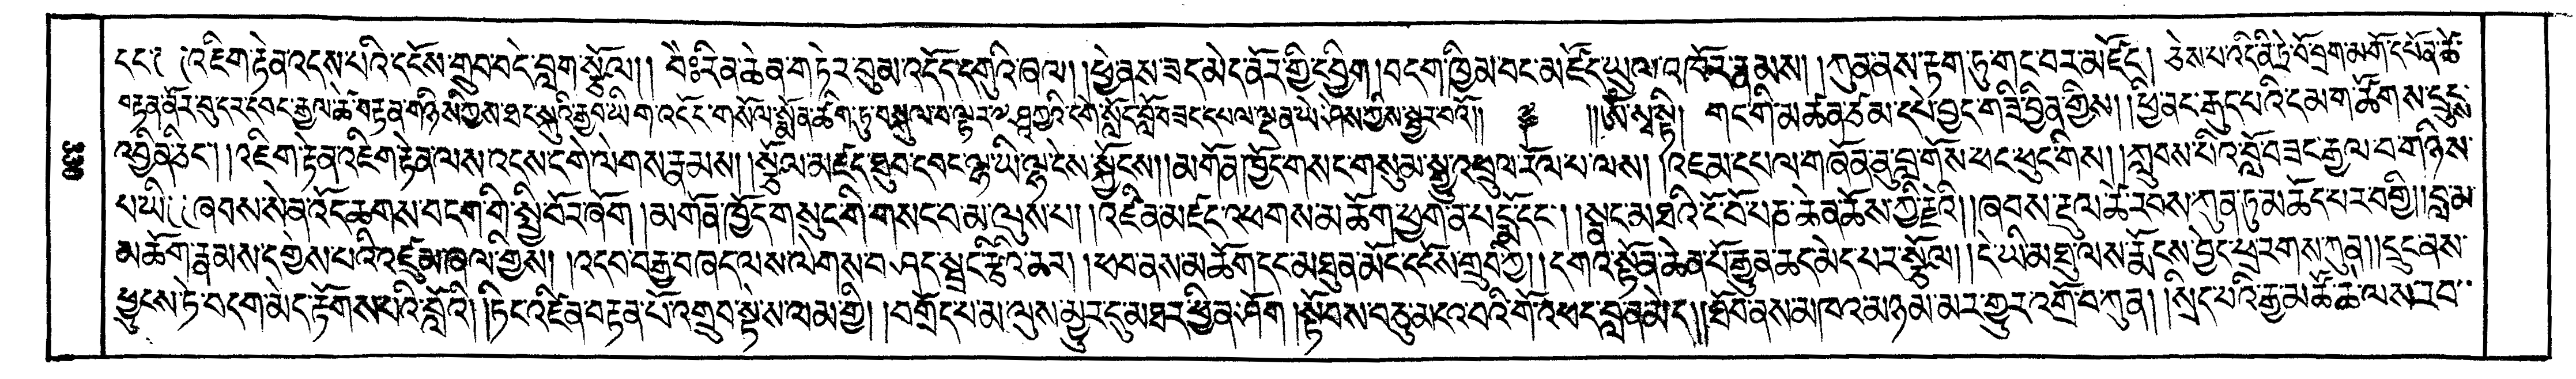དང༑ ༑འཇིག་རྟེན་འདས་པའི་དངོས་གྲུབ་བདེ་བླག་སྩོལ། །བཻཿརིན་ཆེན་གཏེར་བུམ་འདོད་དགུའི་ཞལ། །ཕྱེ་ནས་ཟད་མེད་ནོར་གྱི་དབྱིག །བདག་ཁྱིམ་བང་མཇོད་ཡུལ་འཁོར་རྣམས། །ཀུན་ནས་རྟག་ཏུ་གང་བར་མཛོད། ཅེས་པ་འདི་ནི་ཏྲེ་བོ་བྲག་མགོ་དཔོན་ཚེ་
བརྟན་ནོར་བུ་དང་དབང་རྒྱལ་ཚེ་བརྟན་གཉིས་ཀྱིས་ཐང་སྐུའི་རྒྱབ་ཡིག་འདོད་གསོལ་སྨོན་ཚིག་ཏུ་བསྐུལ་བ་ལྟར ༧་ཤཱཀྱའི་དགེ་སློང་བློ་བཟང་དཔལ་ལྡན་ཡེ་ཤེས་ཀྱིས་སྦྱར་བའོ།། ༈ །།ཨོཾ་སྭསྟི། གང་གི་མཚན་ཙམ་དཔེ་བྱད་གཟི་བྱིན་གྱིས། །ཕྱི་ནང་རྒུད་པའི་དམག་ཚོགས་དྲུངས་
འབྱིན་ཅིང་། །འཇིག་རྟེན་འཇིག་རྟེན་ལས་འདས་དགེ་ལེགས་རྣམས། །སྩོལ་མཛད་ཐུབ་དབང་ལྷ་ཡི་ལྷ་དེས་སྐྱོངས། །མགོན་ཁྱོད་གསང་གསུམ་སྒྱུ་འཕྲུལ་རོལ་པ་ལས། །འཇམ་དཔལ་གཞོན་ནུ་བླ་གོས་ཕང་ཕུང་གིས། །ཀླུབས་པའི་བློ་བཟང་རྒྱལ་བ་གཉིས་
པ་ཡི༑ ༑ཞབས་སེན་འོད་ཆགས་བདག་གི་སྤྱི་བོར་ཞོག །མགོན་ཁྱོད་གསུང་གི་གསང་བ་མ་ལུས་པ། །འཛིན་མཛད་འཕགས་མཆོག་ཕྱག་ན་པདམ་དང་། །སྣང་མཐའི་ངོ་བོ་པཎ་ཆེན་ཆོས་ཀྱི་རྗེའི། །ཞབས་རྡུལ་ཚེ་རབས་ཀུན་ཏུ་མཆོད་པར་བགྱི། །བླ་མ་
མཆོག་རྣམས་དགྱེས་པའི་འཛུམ་ཞལ་གྱིས། །འདབ་བརྒྱ་བཞད་ལས་ལེགས་བཤད་སྦྲང་རྩིའི་ཆར། །ཕབ་ནས་མཆོག་དང་མཐུན་མོང་དངོས་གྲུབ་གྱི། དགའ་སྟོན་ཆེན་པོ་རྒྱུན་ཆད་མེད་པར་སྩོལ། །དེ་ཡི་མཐུ་ལས་རྨོངས་བྱེད་ཕྲ་རགས་ཀུན། །དྲུང་ནས་
ཕྱུངས་ཏེ་བདག་མེད་རྟོགས་པའི་བློའི། །ཏིང་འཛིན་བརྟན་བ་འགྲུབ་སྟེ་ས་ལམ་གྱི། །བགྲོད་པ་མ་ལུས་མྱུར་དུ་མཐར་ཕྱིན་ཤོག་སྟོབས་བཅུ་མངའ་བའི་གོ་འཕང་བླ་ན་མེད། །ཐོབ་ནས་མཁའ་མཉམ་མར་གྱུར་འགྲོ་བ་ཀུན། །སྲིད་པའི་རྒྱ་མཚོ་ཆེ་ལས་རབ་